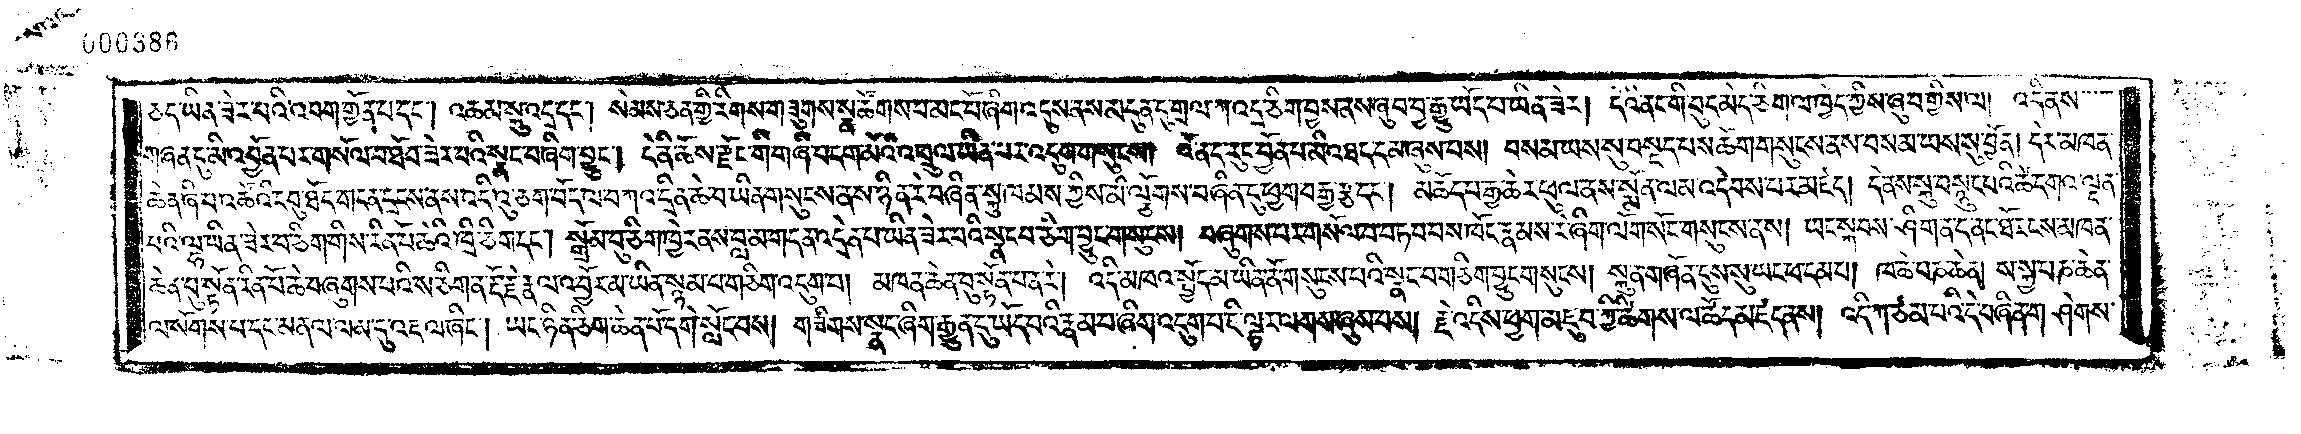ཅད་ཡིན་ཟེར་བའི་འབག་གྱོན་པ་དང་། འཆམ་སྐུ་འདྲ་དང་། སེམས་ཅན་གྱི་རིགས་གཟུགས་སྣ་ཚོགས་པ་མང་པོ་ཞིག་འདུས་ནས་མདུན་དུ་གྲལ་ཀ་འདྲ་ཅིག་བྱས་ནས་ཞུ་བ་བྱ་རྒྱུ་ཡོད་པ་ཡིན་ཟེར། དེའི་ནང་གི་བུད་མེད་ཅིག་ལ་ཁྱོད་ཀྱིས་ཞུ་བ་གྱིས་ལ། འདི་ནས་
གཞན་དུ་མི་འབྱོན་པར་གསོལ་བ་ཐོབ་ཟེར་བའི་སྣང་བ་ཞིག་བྱུང་། དེ་ནི་ཆོས་རྫོང་གི་གཞི་བདག་མོའི་འཕྲུལ་ཡིན་པར་འདུག་གསུངས། འོ་ན་ད་རུང་བྱོན་པ་མི་འཐད་དམ་ཞུས་པས། བསམ་ཡས་སུ་བསྡད་པས་ཆོག་གསུངས་ནས་བསམ་ཡས་སུ་བྱོན། དེར་མཁན་
ཆེན་ཞི་པ་འཚོའི་དབུ་ཐོད་གདན་དྲངས་ནས་འདི་འུ་ཅག་བོད་ལ་བཀའ་དྲིན་ཆེ་བ་ཡིན་གསུངས་ནས་ཉིན་རེ་བཞིན་སྐུ་ཁམས་ཀྱིས་མི་ལྕོགས་བཞིན་དུ་ཕྱག་བརྒྱ་རྩ་དང་། མཆོད་པ་རྒྱ་ཆེར་ཕུལ་ནས་སྨོན་ལམ་འདེབས་པར་མཛད། དེ་ནས་སྐུ་བསྙུང་པའི་ཚེ་དགའ་ལྡན་
པའི་ལྷ་ཡིན་ཟེར་བ་ཅིག་གིས་རིན་པོ་ཆེའི་ཁྲི་ཅིག་དང་། སྒྲོམ་བུ་ཅིག་ཁྱེར་ནས་བླ་མ་གདན་འདྲེན་པ་ཡིན་ཟེར་པའི་སྣང་བ་ཅིག་བྱུང་གསུངས། བཞུགས་པར་གསོལ་བ་བཏབ་པས་ཁོང་རྣམས་རེ་ཞིག་ལོག་སོང་གསུངས་ནས། ཡང་སྐབས་ཤིག་ནད་ནང་ཐོ་རངས་མཁན་
ཆེན་བུ་སྟོན་རིན་པོ་ཆེ་བཞུགས་པའི་ས་ཅིག་ན་རྡོ་རྗེ་རྣལ་འབྱོར་མ་ཡིན་སྙམ་པ་གཅིག་འདུག་པ། མཁན་ཆེན་བུ་སྟོན་པ་ན་རེ། འདི་མཁའ་སྤྱོད་མ་ཡིན་ནོ་གསུངས་པའི་སྣང་བ་གཅིག་བྱུང་གསུངས། སྐུ་ན་གཞོན་དུས་སུ་ཡང་ཕ་དམ་པ། ཁ་ཆེ་པཎ་ཆེན། ས་སྐྱ་པཎ་ཆེན་
ལ་སོགས་པ་དང་མནལ་ལམ་དུ་འཇལ་ཞིང་། ཡང་ཉིན་ཅིག་ཆེན་པོ་དགེ་སློང་བས། གཟིགས་སྣང་ཞིག་རྒྱུན་དུ་ཡོད་པའི་རྣམ་བཞིག་འདུག་པ་ཇི་ལྟར་ལགས་ཞུས་པས། རྗེ་འདིས་ཕྱག་མཇུབ་ཀྱི་ཚིགས་ལ་ཚོད་མཛད་ནས། འདི་ཀ་ཙམ་པའི་དེ་བཞིན་གཤེགས་